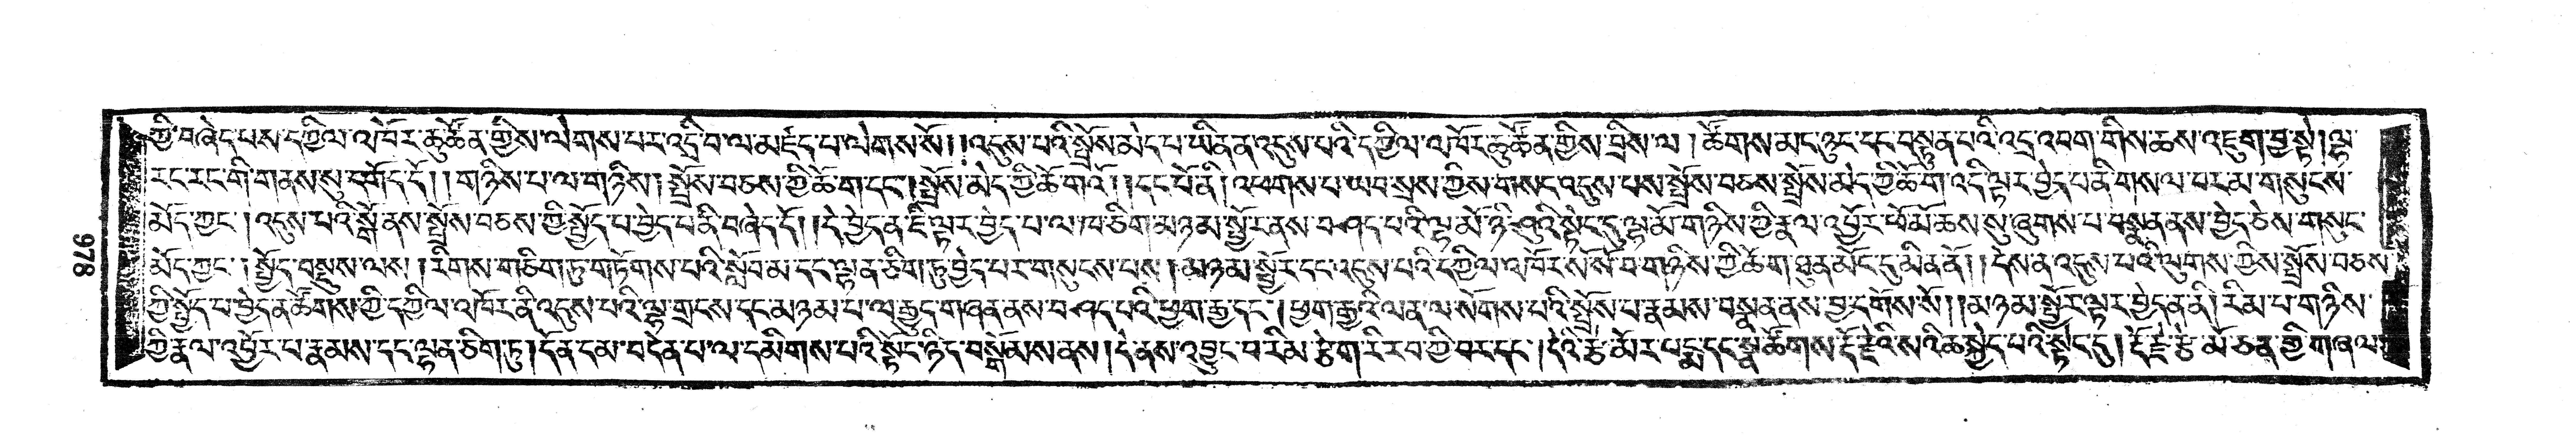ཀྱི་བཞེད་པས་དཀྱིལ་འཁོར་ཆུ་ཚོན་གྱིས་ལེགས་པར་འདྲི་བ་ལ་མཛད་པ་ལེགས་སོ། །འདུས་པའི་སྤྲོས་མེད་པ་ཡིན་ན་འདུས་པའི་དཀྱིལ་འཁོར་ཆུ་ཚོན་གྱིས་བྲིས་ལ། ཚོགས་མང་ཉུང་དང་བསྟུན་པའི་འདྲ་འབག་གིས་ཆས་འཇུག་བྱ་སྟེ། ལྷ་
རང་རང་གི་གནས་སུ་དགོད་དོ། །གཉིས་པ་ལ་གཉིས། སྤྲོས་བཅས་ཀྱི་ཆོ་ག་དང་། སྤྲོས་མེད་ཀྱི་ཆོ་གའོ། །དང་པོ་ནི། འཕགས་པ་ཡབ་སྲས་ཀྱིས་གསང་འདུས་པས་སྤྲོས་བཅས་སྤྲོས་མེད་ཀྱི་ཆོ་ག་འདི་ལྟར་བྱེད་པ་ནི་གསལ་བར་མ་གསུངས་
མོད་ཀྱང་། འདུས་པའི་སྒོ་ནས་སྤྲོས་བཅས་ཀྱི་སྤྱོད་པ་བྱེད་པ་ནི་བཞེད་དོ། །དེ་བྱེད་ན་ཇི་ལྟར་བྱེད་པ་ལ་ཁ་ཅིག་མཉམ་སྦྱོར་ནས་བཤད་པའི་ལྷ་མོ་ཉི་ཤུའི་སྟེང་དུ་ལྷ་མོ་གཉིས་ཀྱི་རྣལ་འབྱོར་ཕོ་མོ་ཆས་སུ་ཞུགས་པ་བསྣན་ནས་བྱེད་ཅེས་གསུང་
མོད་ཀྱང་། སྤྱོད་བསྡུས་ལས། རིགས་གཅིག་ཏུ་གཏོགས་པའི་སློབ་མ་དང་ལྷན་ཅིག་ཏུ་བྱེད་པར་གསུངས་པས། མཉམ་སྦྱོར་དང་འདུས་པའི་དཀྱིལ་འཁོར་སོ་སོ་བ་གཉིས་ཀྱི་ཆོ་ག་ཐུན་མོང་དུ་མིན་ནོ། །དེས་ན་འདུས་པའི་ལུགས་ཀྱིས་སྤྲོས་བཅས་
ཀྱི་སྤྱོད་པ་བྱེད་ན་ཚོགས་ཀྱི་དཀྱིལ་འཁོར་ནི་འདུས་པའི་ལྷ་གྲངས་དང་མཉམ་པ་ལ་རྒྱུད་གཞན་ནས་བཤད་པའི་ཕྱག་རྒྱ་དང་། ཕྱག་རྒྱའི་ལན་ལ་སོགས་པའི་སྤྲོས་པ་རྣམས་བསྣན་ནས་བྱ་དགོས་སོ། །མཉམ་སྦྱོར་ལྟར་བྱེད་ན་ནི། རིམ་པ་གཉིས་
ཀྱི་རྣལ་འབྱོར་པ་རྣམས་དང་ལྷན་ཅིག་ཏུ། དོན་དམ་བདེན་པ་ལ་དམིགས་པའི་སྟོང་ཉིད་བསྒོམས་ནས། དེ་ནས་འབྱུང་བ་རིམ་རྩེག་རི་རབ་ཀྱི་བར་དང་། དེའི་རྩེ་མོར་པདམ་དང་སྣ་ཚོགས་རྡོ་རྗེའི་སའི་ཆ་སྐྱེད་པའི་སྟེང་དུ། རྡོ་རྗེ་རྩེ་མོ་ཅན་གྱི་གཞལ་